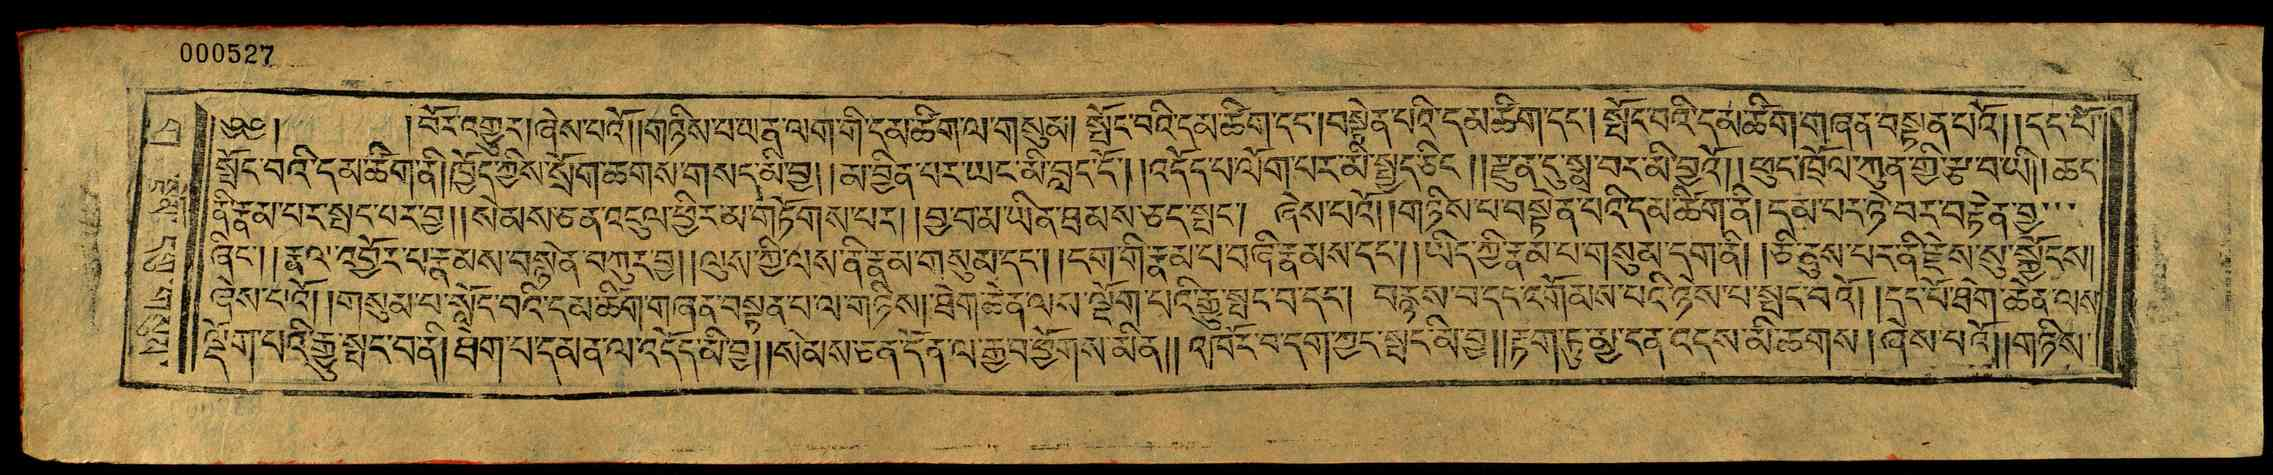༄༅། །པོར་འགྱུར། །ཞེས་པའོ། །གཉིས་པ་ཡན་ལག་གི་དམ་ཚིག་ལ་གསུམ། སྤོང་བའི་དམ་ཚིག་དང་། བསྟེན་པའི་དམ་ཚིག་དང་། སྤོང་བའི་དམ་ཚིག་གཞན་བསྟན་པའོ། །དང་པོ་
སྤོང་བའི་དམ་ཚིག་ནི། ཁྱོད་ཀྱིས་སྲོག་ཆགས་གསད་མི་བྱ། །མ་བྱིན་པར་ཡང་མི་གླང་ངོ། །འདོད་པ་ལོག་པར་མི་སྤྱད་ཅིང་། །རྫུན་དུ་སྨྲ་བར་མི་བྱའོ། །ཕུང་ཁྲོལ་ཀུན་གྱི་རྩ་བ་ཡི། ཆང་
ནི་རྣམ་པར་སྤང་བར་བྱ། །སེམས་ཅན་འདུལ་ཕྱིར་མ་གཏོགས་པར། །བྱ་བ་མ་ཡིན་ཐམས་ཅད་སྤང་། ཞེས་པའོ། །གཉིས་པ་བསྟེན་པའི་དམ་ཚིག་ནི། དམ་པར་ཉེ་བར་བརྟེན་བྱ་ཞེས། །རྣལ་འབྱོར་པ་རྣམས་བསྙེན་བཀུར་བྱ། །ལུས་ཀྱི་ལས་ནི་རྣམ་གསུམ་དང་། །ངག་གི་རྣམ་པ་བཞི་རྣམས་དང་། །ཡིད་ཀྱི་རྣམ་པ་གསུམ་དག་ནི། །ཅི་ནུས་པར་ནི་རྗེས་སུ་སྐྱོབས།
ཞེས་པའོ། །གསུམ་པ་སྤྱོད་པའི་དམ་ཚིག་གཞན་བསྟན་པ་ལ་གཉིས། ཐེག་ཆེན་ལས་ལྡོག་པའི་རྒྱུ་སྤང་པ་དང་། བརྙས་པ་དང་འགོམས་པའི་ཉེས་པ་སྤང་བའོ། །དང་པོ་ཐེག་ཆེན་ལས་
ལྡོག་པའི་རྒྱུ་སྤང་བ་ནི། ཐེག་པ་དམན་ལ་འདོད་མི་བྱ། །སེམས་ཅན་དོན་ལ་རྒྱབ་ཕྱོགས་མིན། །འཁོར་བ་དག་ཀྱང་སྤང་མི་བྱ། །རྟག་ཏུ་མྱ་ངན་འདས་མི་ཆགས། ཞེས་པའོ། །གཉིས་